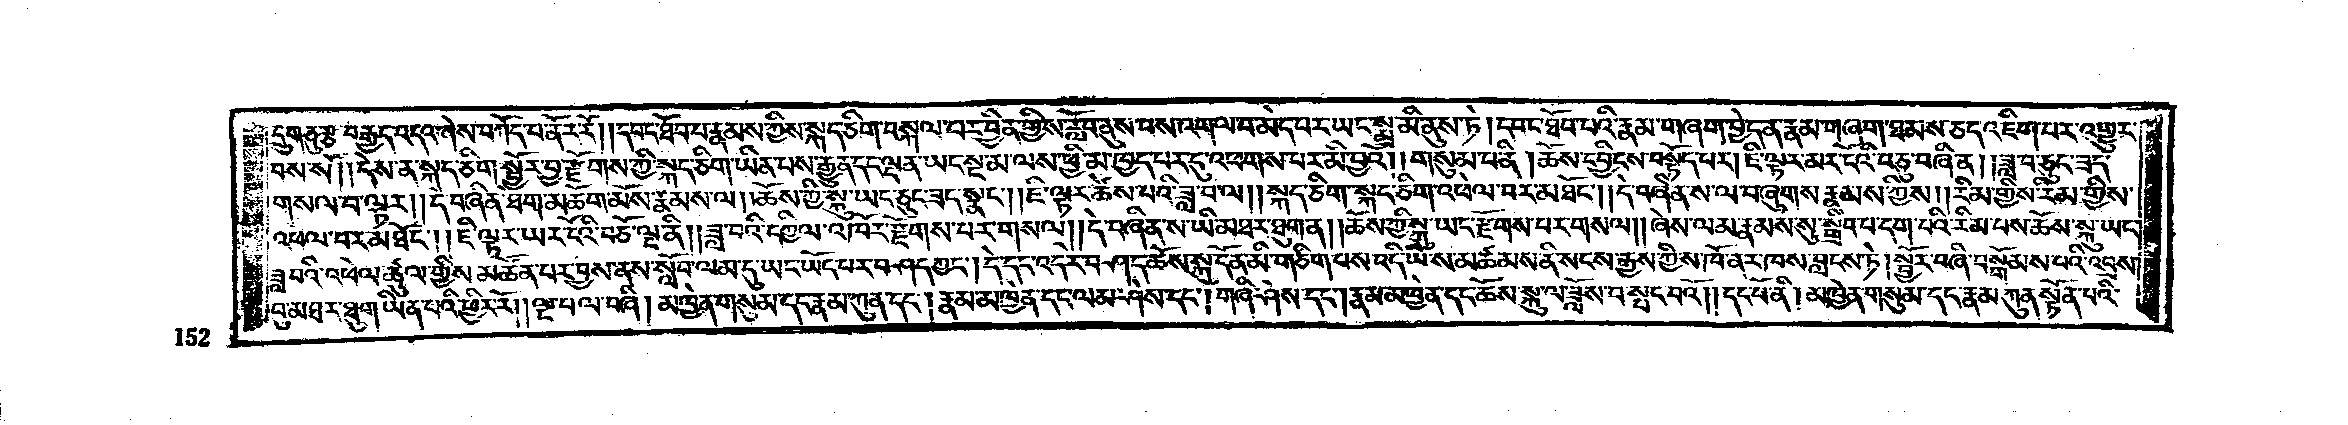དྲུག་ཅུ་རྩ་བརྒྱད་འདའ་ཞེས་བཀོད་པ་ནོར་རོ། །དབང་ཐོབ་པ་རྣམས་ཀྱིས་སྐད་ཅིག་བསྐལ་པར་བྱིན་གྱིས་རློབ་ནུས་པས་འགལ་བ་མེད་པར་ཡང་སྨྲ་མི་ནུས་ཏེ། དབང་ཐོབ་པའི་རྣམ་གཞག་བྱེད་ན་རྣམ་གཞག་ཐམས་ཅད་འཇིག་པར་འགྱུར་
བས་སོ། །དེས་ན་སྐད་ཅིག་སྦྱོར་བྱ་རྫོགས་ཀྱི་སྐད་ཅིག་ཡིན་པས་རྒྱུན་དང་ལྡན་ཡང་སྔ་མ་ལས་ཕྱི་མ་ཁྱད་པར་དུ་འཕགས་པར་མི་བྱའོ། །གསུམ་པ་ནི། ཆོས་དབྱིངས་བསྟོད་པར། ཇི་ལྟར་མར་ངོའི་བཅུ་བཞི་ན། །ཟླ་བ་ཅུང་ཟད་
གསལ་བ་ལྟར། །དེ་བཞིན་ཐེག་མཆོག་མོས་རྣམས་ལ། །ཆོས་ཀྱི་སྐུ་ཡང་ཅུང་ཟད་སྣང་། །ཇི་ལྟར་ཚེས་པའི་ཟླ་བ་ལ། །སྐད་ཅིག་སྐད་ཅིག་འཕེལ་བར་མཐོང་། །དེ་བཞིན་ས་ལ་བཞུགས་རྣམས་ཀྱིས། །རིམ་གྱིས་རིམ་གྱིས་
འཕེལ་བར་མཐོང་། །ཇི་ལྟར་ཡར་ངོའི་བཅོ་ལྔ་ནི། །ཟླ་བའི་དཀྱིལ་འཁོར་རྫོགས་པར་གསལ། །དེ་བཞིན་ས་ཡི་མཐར་ཐུག་ན། །ཆོས་ཀྱི་སྐུ་ཡང་རྫོགས་པར་གསལ། །ཞེས་ལམ་རྣམས་སུ་སྒྲིབ་པ་དག་པའི་རིམ་པས་ཆོས་སྐུ་ཡང་
ཟླ་བའི་འཕེལ་ཚུལ་གྱིས་མཚོན་པར་བྱས་ནས་སློབ་ལམ་དུ་ཡང་ཡོད་པར་བཤད་ཀྱང་། དེ་དང་འདིར་བཤད་ཆོས་སྐུ་དོན་མི་གཅིག་པས་འདི་ཡི་ས་མཚམས་ནི་སངས་རྒྱས་ཀྱི་ས་ཁོ་ནར་ཁས་བླངས་ཏེ། སྦྱོར་བཞི་བསྒོམས་པའི་འབྲས་
བུ་མཐར་ཐུག་ཡིན་པའི་ཕྱིར་རོ། །ལྔ་པ་ལ་བཞི། མཁྱེན་གསུམ་དང་རྣམ་ཀུན་དང་། རྣམ་མཁྱེན་དང་ལམ་ཤེས་དང་། གཞི་ཤེས་དང་། རྣམ་མཁྱེན་དང་ཆོས་སྐུ་ལ་ཟློས་པ་སྤང་བའོ། །དང་པོ་ནི། མཁྱེན་གསུམ་དང་རྣམ་ཀུན་སྟོན་པའི་